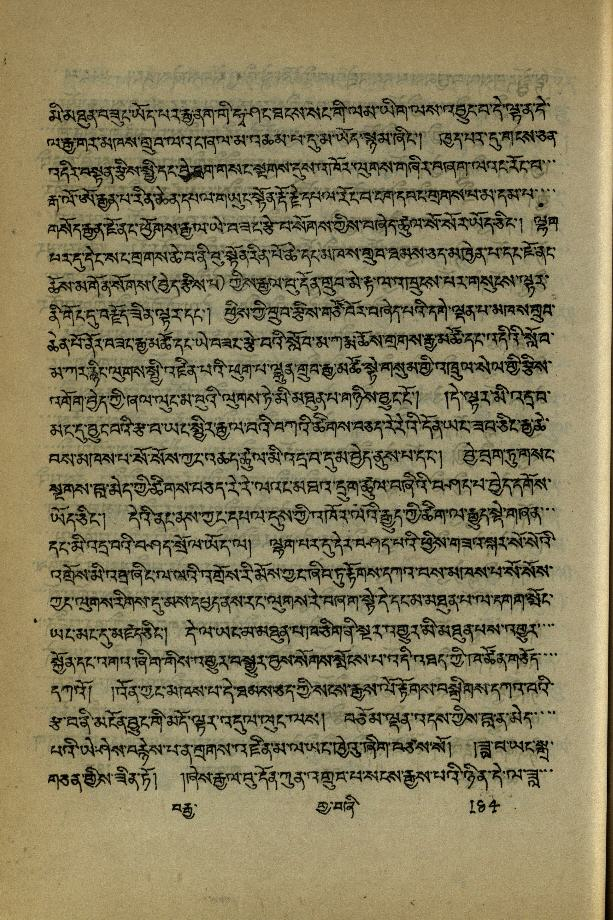མི་མཐུན་བཟུང་ཡོད་པར་རྒྱ་ནག་གི་ཧྭ་ཤང་ཐངས་སང་གི་ལམ་ཡིག་ལས་འབྱུང་བ་དེ་ལྟ་ན་དེ་
ལ་རྒྱ་གར་མཁས་གྲུབ་ལའང་ཞལ་མ་འཆམ་པ་དུ་མ་ཡོད་སྙམ་ཞིང་། ཁྱད་པར་དུ་གངས་ཅན་
འདིར་བསྟན་རྩིས་སྤྱི་དང་བྱེ་བླག?་གསང་སྔགས་དུས་འཁོར་ལུགས་གཞིར་བཞག་ལའང་རོང་བ་
རྒ་ལོ་ཨོ་རྒྱན་པ་རིན་ཆེན་དཔལ་གཡུང་སྟོན་རྡོ་རྗེ་དཔལ་རོང་བ་ངག་དབང་གྲགས་པ་མ་དམ་པ་
གསོད་རྒྱན་ཇོ་ནང་ཕྱོགས་རྒྱལ་ཡེ་བཟང་རྩེ་བ་སོགས་ཀྱིས་བཞེད་ཚུལ་སོ་སོར་ཡོད་ཅིང་། ལྷག་
པར་དུ་དེང་སང་གྲགས་ཆེ་བ་ནི་བུ་སྟོན་རིན་པོ་ཆེ་དང་མཁས་གྲུབ་ཐམས་ཅད་མཁྱེན་པ་དང་ཇོ་ནང་
ཆོས་མགོན་སོགས་བྱེད་རྩིས་པ་ཀྱིས་རྒྱལ་བུ་དོན་གྲུབ་མེ་རྟ་ལ་འཁྲུངས་པར་གསུངས་ལྟར་
ནི་གོང་དུ་བརྗོད་ཟིན་ལྟར་དང་། ཕྱིས་ཀྱི་གྲུབ་རྩིས་གཙོ་བོར་བཞེད་པའི་དགེ་ལྡན་པ་མཁས་གྲུབ་
ཆེན་པོ་ནོར་བཟང་རྒྱ་མཚོ་དང་ཡེ་བཟང་རྩེ་བའི་སློབ་མ་ཀརྨ་ཆོས་གྲགས་རྒྱ་མཚོ་དང་འདིའི་སློབ་
མ་ཀར་རྙིང་ལུགས་སྤྱི་འཛིན་པའི་ཕུག་པ་ལྷུན་གྲུབ་རྒྱ་མཚོ་སྟེ་གསུམ་གྱི་འཁྲུལ་སེལ་གྱི་རྩིས་
འགོག་བྱེད་ཀྱི་ཞལ་ལུང་མ་བུའི་ལུགས་ཏེ་མི་མཐུན་པ་གཉིས་བྱུང་ངོ། །དེ་ལྟར་མི་འདྲ་བ་
མང་དུ་བྱུང་བའི་རྩ་བ་ཡང་སྤྱིར་རྒྱལ་བའི་བཀའི་ཚིགས་བཅད་རེ་རེའི་དོན་ཡང་ཟབ་ཅིང་རྒྱ་ཆེ་
བས་མཁས་པ་སོ་སོས་ཀྱང་འཆད་ཚུལ་མི་འདྲ་བ་དུ་མ་བྱེད་ནུས་པ་དང་། བྱེ་བྲག་ཏུ་གསང་
སྔགས་བླ་མེད་ཀྱི་ཚིགས་བཅད་རེ་རེ་ལའང་མཐའ་དྲུག་ཚུལ་བཞིའི་བཤད་པ་བྱེད་དགོས་
ཡོད་ཅིང་། དེའི་ནང་ནས་ཀྱང་དཔལ་དུས་ཀྱི་འཁོར་ལོའི་རྒྱུད་ཀྱི་ཚིག་ལ་རྒྱུད་སྡེ་གཞན་
དང་མི་འདྲ་བའི་བཤད་སྲོལ་ཡོད་ལ། ལྷག་པར་དུ་དེར་བཤད་པའི་ཕྱིས་གཟའ་སྐར་སོ་སོའི་
འགྲོས་མི་འབྲ་ཞིང་ལ་ལའི་འགྲོས་རི་མོས་ཀྱང་ཞིབ་ཏུ་རྟོགས་དཀའ་བས་མཁས་པ་སོ་སོས་
ཀྱང་ལུགས་རིགས་དུ་མས་དཔྱད་ནས་རང་ལུགས་རེ་བཞག་སྟེ་དེ་དང་མ་མཐུན་པ་ལ་དགག་སྤོང་
ཡང་མང་དུ་མཛད་ཅིང་། དེ་ལ་ཡང་མ་མཐུན་པ་ཁ་ཅིག་ནི་སྔར་འགྱུར་མི་མཐུན་པས་འགྱུར་
སྐྱོན་དང་འགའ་ཞིག་གིས་འགྱུར་བསྒྱུར་བྱས་སོགས་སྤོངས་པ་འདི་འཐད་ཀྱི་ཁ་ཚོན་གཅོད་
དཀའོ། །འོན་ཀྱང་མཁས་པ་དེ་ཐམས་ཅད་ཀྱི་སངས་རྒྱས་ལོ་རྟོགས་བསྒྲིགས་དཀའ་བའི་
རྩ་བ་ནི་མངོན་བྱུང་གི་མདོ་ལྟར་འདུལ་ལུང་ལས། བཅོམ་ལྡན་འདས་ཀྱིས་བླ་ན་མེད་
པའི་ཡེ་ཤེས་བརྙེས་པ་ན་གྲགས་འཛིན་མ་ལ་ཡང་ཁྱེའུ་ཞིག་བཙས་སོ། །ཟླ་བ་ཡང་སྒྲ་
གཅན་གྱིས་ཟིན་ཏོ། །ཞེས་རྒྱལ་བུ་དོན་ཀུན་འགྲུབ་པ་སངས་རྒྱས་པའི་ཉིན་དེ་ལ་ཟླ་